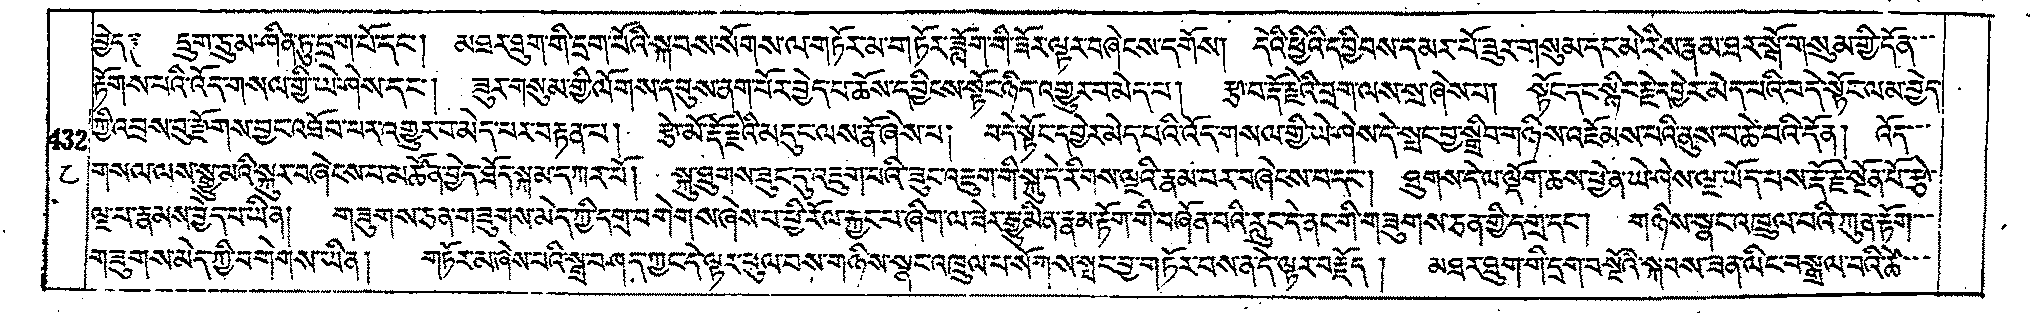བྱེད༑ དྲུག་ཅུ་མ་ཤིན་ཏུ་དྲག་པོ་དང་། མཐར་ཐུག་གི་དྲག་པོའི་སྐབས་སོགས་ལ་གཏོར་མ་གཏོར་ཟློག་གི་ཟོར་ལྟར་བཞེངས་དགོས། དེའི་ཕྱིའི་དབྱིབས་དམར་པོ་ཟུར་གསུམ་དང་མེ་རིས་རྣམ་ཐར་སྒོ་གསུམ་གྱི་དོན་་་
རྟོགས་པའི་འོད་གསལ་གྱི་ཡེ་ཤེས་དང་། ཟུར་གསུམ་གྱི་ལོགས་དབུས་ནག་པོར་བྱེད་པ་ཆོས་དབྱིངས་སྟོང་ཉིད་འགྱུར་བ་མེད་པ། རྩ་བ་རྡོ་རྗེའི་བྲག་ལས་སྲ་ཞེས་པ། སྟོང་དང་སྙིང་རྗེ་དབྱེར་མེད་པའི་བདེ་སྟོང་ལམ་བྱེད་
ཀྱི་འབྲས་བུ་རྫོགས་བྱང་འཐོབ་པར་འགྱུར་བ་མེད་པར་བརྟན་པ། རྩེ་མོ་རྡོ་རྗེའི་མདུང་ལས་རྣོ་ཞེས་པ། བདེ་སྟོང་དབྱེར་མེད་པའི་འོད་གསལ་གྱི་ཡེ་ཤེས་དེ་སྤང་བྱ་སྒྲིབ་གཉིས་འཇོམས་པའི་ནུས་པ་ཆེ་བའི་དོན། འོད་་་
གསལ་ལས་སྒྱུ་མའི་སྐུར་བཞེངས་པ་མཚོན་བྱེད་ཐོད་སྐམ་དཀར་པོ། སྐུ་ཐུགས་ཟུང་དུ་འཇུག་པའི་ཟུང་འཇུག་གི་སྐུ་དེ་རིགས་ལྔའི་རྣམ་པར་བཞེངས་པ་དང་། ཐུགས་དེ་ལ་ལྡོག་ཆས་ཕྱེ་ན་ཡེ་ཤེས་ལྔ་ཡོད་པས་རྡོ་རྗེ་སྔོན་པོ་རྩེ་
ལྔ་པ་རྣམས་བྱེད་པ་ཡིན། གཟུགས་ཅན་གཟུགས་མེད་ཀྱི་དགྲ་བགེགས་ཞེས་པ་ཕྱི་རོལ་རྐྱང་པ་ཞིག་ལ་ཟེར་རྒྱུ་མིན་རྣམ་རྟོག་གི་བཞོན་པའི་རླུང་དེ་ནང་གི་གཟུགས་ཅན་གྱི་དགྲ་དང་། གཉིས་སྣང་འཁྲུལ་པའི་ཀུན་རྟོགས་་་
གཟུགས་མེད་ཀྱི་བགེགས་ཡིན། གཏོར་མ་ཞེས་པའི་སྒྲ་བཤད་ཀྱང་དེ་ལྟར་ཕུལ་བས་གཉིས་སྣང་འཁྲུལ་པ་སོགས་སྤང་བྱ་གཏོར་བས་ན་དེ་ལྟར་བརྗོད། མཐར་ཐུག་གི་དྲག་བསྔོའི་སྐབས་ཟན་ལིང་བསྒྲལ་བའི་ཚེ་་་